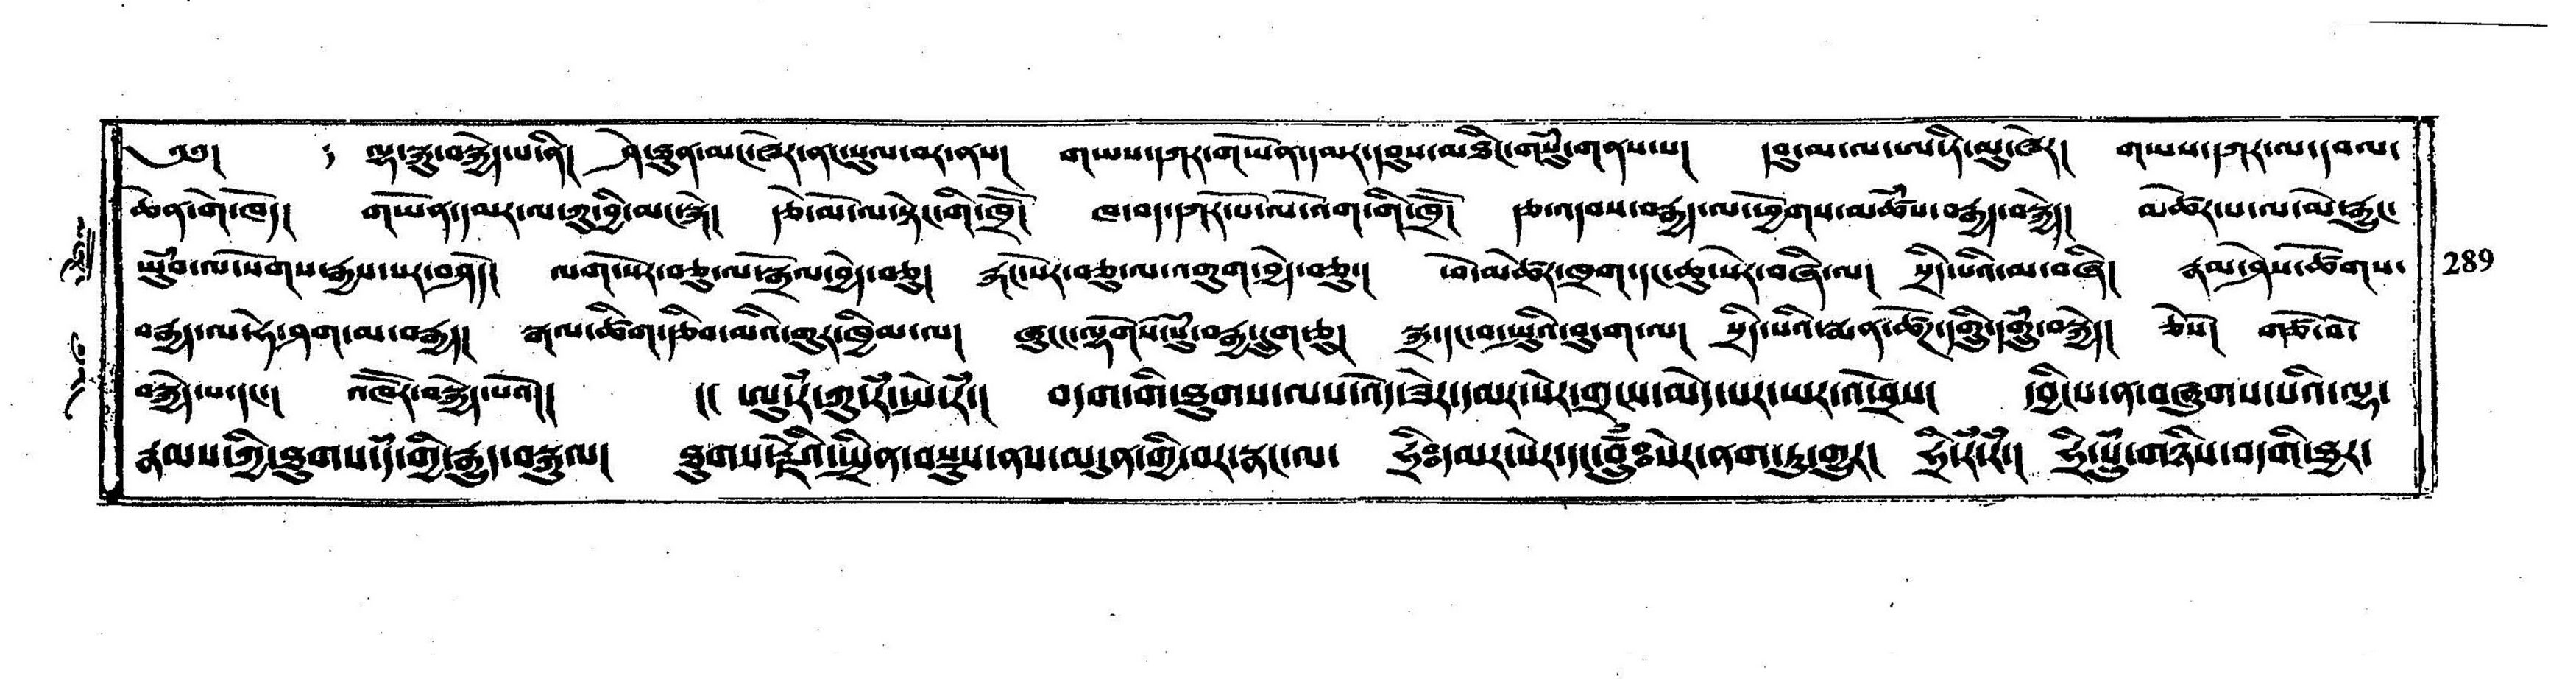ལྷ་སྐུ་བསྐྱེད་པ་ནི། ཤེ་ཐུན་མང་ཝེར་ནང་སུལ་བར་ནས། གཡས་དཀར་གཡོན་དམར་དབུས་མཐིང་གསུམ་གནས་པ། དབུ་མ་ལ་ཨ་ཏི་མུ་ཝེར། གཡས་དཀར་ལ་དབལ་
ཆེན་གེ་ཁོད། གཡོན་དམར་ལ་ཀུ་བྱི་མང་སྐེ། རྩེ་མོ་ལ་སྟེང་གི་ཁྲོ་བོ། ཁ་བད་དཀར་པོ་ལ་འོག་གི་ཁྲོ་བོ། རྩ་འདབ་བརྒྱད་ལ་ཕྱོགས་མཚམས་བརྒྱད་བསྐྱེད། མཚེར་པ་ལ་མེ་རྒྱུང་
ཡབ་ཡུམ་ལ་སོགས་རྒྱས་པར་བཤད་དོ། ལག་སོར་བཅུ་ལ་སྒྲོལ་བྱེད་བཅུ། རྐང་སེར་བཅུ་ལ་འགུག་བྱེད་བཅུ། ཕོ་མཚེར་ཁྲག་དང་ཆུ་སེར་བཞི་ལ། སྲིད་པའི་མ་བཞི། རྣམ་ཤེས་ཚོགས་
བརྒྱད་ལ་ཧེ་ཤག་མ་བརྒྱད། སྒལ་ཚིག་རྩིབ་མའི་གུར་ཁྱིམ་ལ། ཞང་ཞུང་ལྷ་ཚོགས་སུམ་བརྒྱ་དྲུག་ཅུ། སྐྲ་དང་བ་སྤུའི་བུ་ག་ལ། སྲིད་པའི་སྨན་ཚོགས་དགུ་ཁྲི་དགུ་འབུམ་བསྐྱེད། ཅེས་སོ། གཙོ་བོ་
བསྐྱེད་པ་དང་། འཁོར་ལོ་བསྐྱེད་པའོ།། །།ཨུ་རཾ་ཀུ་རཾ་སྤེ་རཾ། བདག་གི་ཐུགས་ལས་འོད་ཟེར་དམར་སེར་གྲངས་མེད་པ་ཡར་འཕྲོས། དབྱིངས་ན་བཞུགས་པའི་ལྷ་
རྣམས་ཀྱི་ཐུགས་དམ་གྱི་རྒྱུད་བསྐུལ། ཐུགས་རྗེའི་སྤྲིན་བསྡུས་ནས་མདུན་གྱི་བར་སྣང་ལ། ཧྲིཿདམར་སེར་དང་བྲུྃཿསེར་ནག་ཏུ་གྱུར། ཧྲི་རཾ་རཾ། ཧྲི་སྲུཾ་གཉིས་བདག་གི་ཐུགས་ཀར་